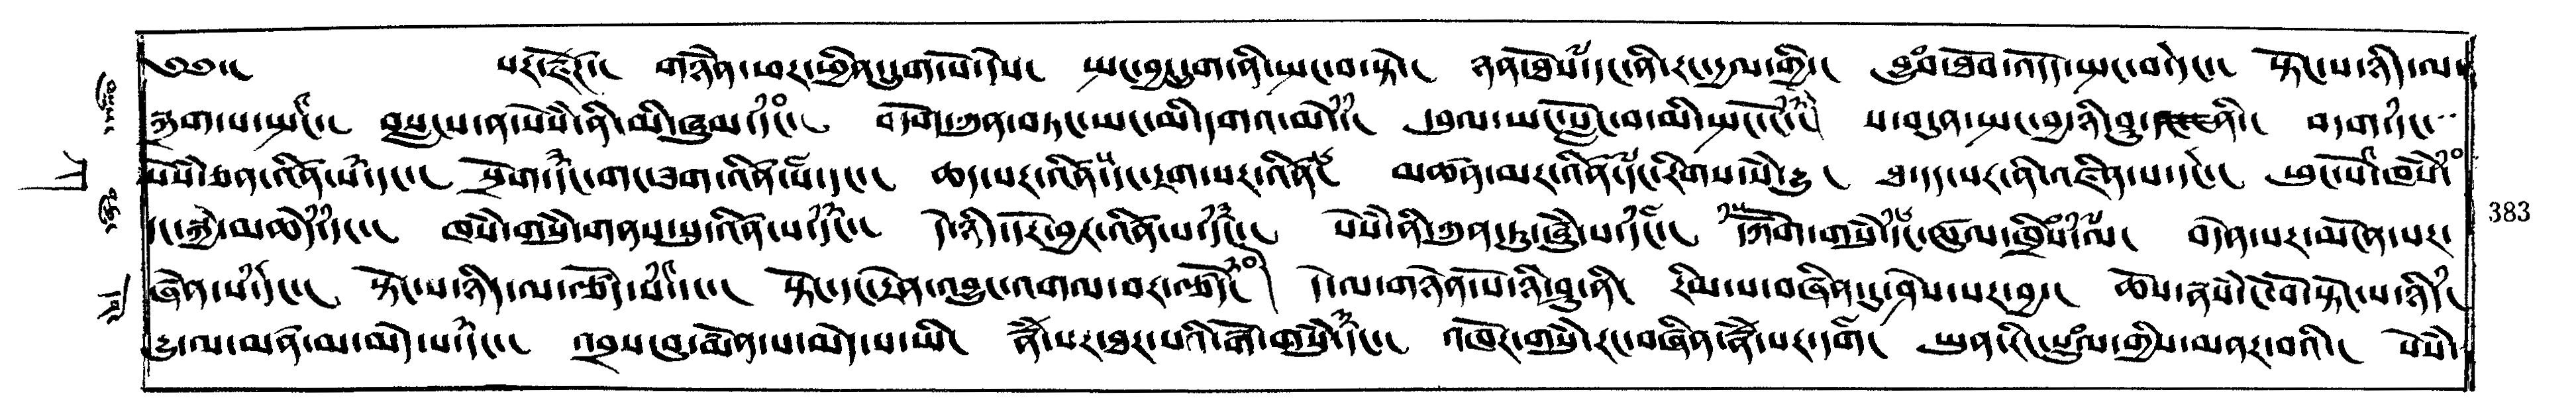པར་རྫོགས། །གཉེན་པོ་ཕར་ཕྱིན་དྲུག་པོ་དེས། །སྤང་བྱ་དྲུག་ནི་སྤང་བ་སྟེ། །ཉན་ཐོས་དང་ནི་རང་རྒྱལ་གྱི། །བྱང་ཆུབ་འཐོབ་འདོད་སྤང་བ་དང་། །སྟོང་པ་ཉིད་ལ་
སྐྲག་པ་སྤང་། །བསླངས་ན་སེམས་ནི་མི་ཞུམ་དང་། །བདོག་ཀུན་བཏང་ཡང་མི་དགའ་མེད། །དབུལ་ཡང་སློང་བ་མི་སྤང་ངོ་། །ས་བདུན་སྤང་བྱ་ཉི་ཤུ་ནི། །བདག་དང་
སེམས་ཅན་འཛིན་པ་དང་། །སྲོག་དང་གང་ཟག་འཛིན་པ་དང་། །ཆད་པར་འཛིན་དང་རྟག་པར་འཛིན། །མཚན་མར་འཛིན་དང་རིགས་སམ་རྒྱུ། །ཐ་དད་པར་ནི་འཛིན་པ་དང་། །ཕུང་པོ་ཁམས་
དང་སྐྱེ་མཆེད་དང་། །ཁམས་གསུམ་གནས་སུ་འཛིན་པ་དང་། །དེ་ཉིད་དོར་བྱར་འཛིན་པ་དང་། །སེམས་ནི་ཀུན་ཏུ་ཞུམ་པ་དང་། །དཀོན་མཆོག་གསུམ་དང་ཚུལ་ཁྲིམས་ལ། །བདེན་པར་མངོན་པར་
ཞེན་པ་དང་། །སྟོང་པ་ཉིད་ལ་རྩོད་པ་དང་། །སྟོང་དང་རྟེན་འབྱུང་འགལ་བར་རྩོད། །དེ་ལ་གཉེན་པོ་ཉི་ཤུ་ནི། །རིམ་པ་བཞིན་དུ་ཤེས་པར་བྱ། །ཆོས་རྣམས་ངོ་བོ་སྟོང་པ་ཉིད། །
རྒྱུ་ལ་མཚན་མ་མེད་པ་དང་། །འབྲས་བུ་སྨོན་པ་མེད་པ་ཡི། །རྣམ་པར་ཐར་པའི་སྒོ་གསུམ་དང་། །འཁོར་གསུམ་རང་བཞིན་རྣམ་པར་དག།ཡུན་རིང་སྡུག་བསྔལ་གྱིས་མནར་བའི། །སེམས་